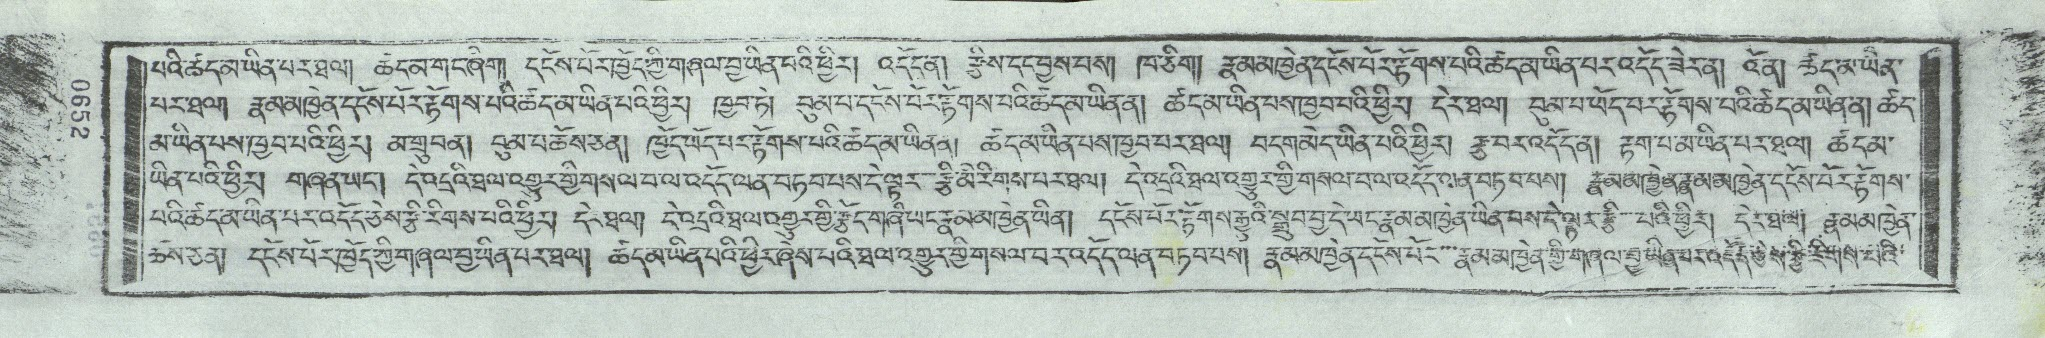པའི་ཚད་མ་ཡིན་པར་ཐལ། ཚད་མ་གང་ཞིག། དངོས་པོར་ཁྱོད་ཀྱི་གཞལ་བྱ་ཡིན་པའི་ཕྱིར། འདོད་ན། རྩིས་དང་བྱས་པས། ཁ་ཅིག། རྣམ་མཁྱེན་དངོས་པོར་རྟོགས་པའི་ཚད་མ་ཡིན་པར་འདོད་ཟེར་ན། འོ་ན། ཚད་མ་ཡིན་
པར་ཐལ། རྣམ་མཁྱེན་དངོས་པོར་རྟོགས་པའི་ཚད་མ་ཡིན་པའི་ཕྱིར། ཁྱབ་ཏེ། བུམ་པ་དངོས་པོར་རྟོགས་པའི་ཚད་མ་ཡིན་ན། ཚད་མ་ཡིན་པས་ཁྱབ་པའི་ཕྱིར། དེར་ཐལ། བུམ་པ་ཡོད་པར་རྟོགས་པའི་ཚད་མ་ཡིན་ན། ཚད་
མ་ཡིན་པས་ཁྱབ་པའི་ཕྱིར། མ་གྲུབ་ན། བུམ་པ་ཆོས་ཅན། ཁྱོད་ཡོད་པར་རྟོགས་པའི་ཚད་མ་ཡིན་ན། ཚད་མ་ཡིན་པས་ཁྱབ་པར་ཐལ། བདག་མེད་ཡིན་པའི་ཕྱིར། རྩ་བར་འདོད་ན། རྟག་པ་མ་ཡིན་པར་ཐལ། ཚད་མ་
ཡིན་པའི་ཕྱིར། གཞན་ཡང་། དེ་འདྲའི་ཐལ་འགྱུར་གྱི་གསལ་བ་ལ་འདོད་ལན་བཏབ་པས་དེ་ལྟར་རྩི་མི་རིགས་པར་ཐལ། དེ་འདྲའི་ཐལ་འགྱུར་གྱི་གསལ་བ་ལ་འདོད་ལན་བཏབ་པས། རྣམ་མཁྱེན་རྣམ་མཁྱེན་དངོས་བོར་རྟོགས་
པའི་ཚད་མ་ཡིན་པར་འདོད་ཅེས་རྩི་རིགས་པའི་ཕྱིར། དེར་ཐལ། དེ་འདྲའི་ཐལ་འགྱུར་གྱི་རྩོད་གཞི་ཡང་རྣམ་མཁྱེན་ཡིན། དངོས་པོར་རྟོགས་རྒྱུའི་སྒྲུབ་བྱ་དེ་ཡང་རྣམ་མཁྱེན་ཡིན་པས་དེ་ལྟར་རྩི་པའི་ཕྱིར། དེར་ཐལ། རྣམ་མཁྱེན་
ཆོས་ཅན། དངོས་པོར་ཁྱོད་ཀྱི་གཞལ་བྱ་ཡིན་པར་ཐལ། ཚད་མ་ཡིན་པའི་ཕྱིར་ཞེས་པའི་ཐལ་འགྱུར་གྱི་གསལ་བར་འདོད་ལན་བཏབ་པས། རྣམ་མཁྱེན་དངོས་པོར་རྣམ་མཁྱེན་གྱི་གཞལ་བྱ་ཡིན་པར་འདོད་ཅེས་རྩི་རིགས་པའི་